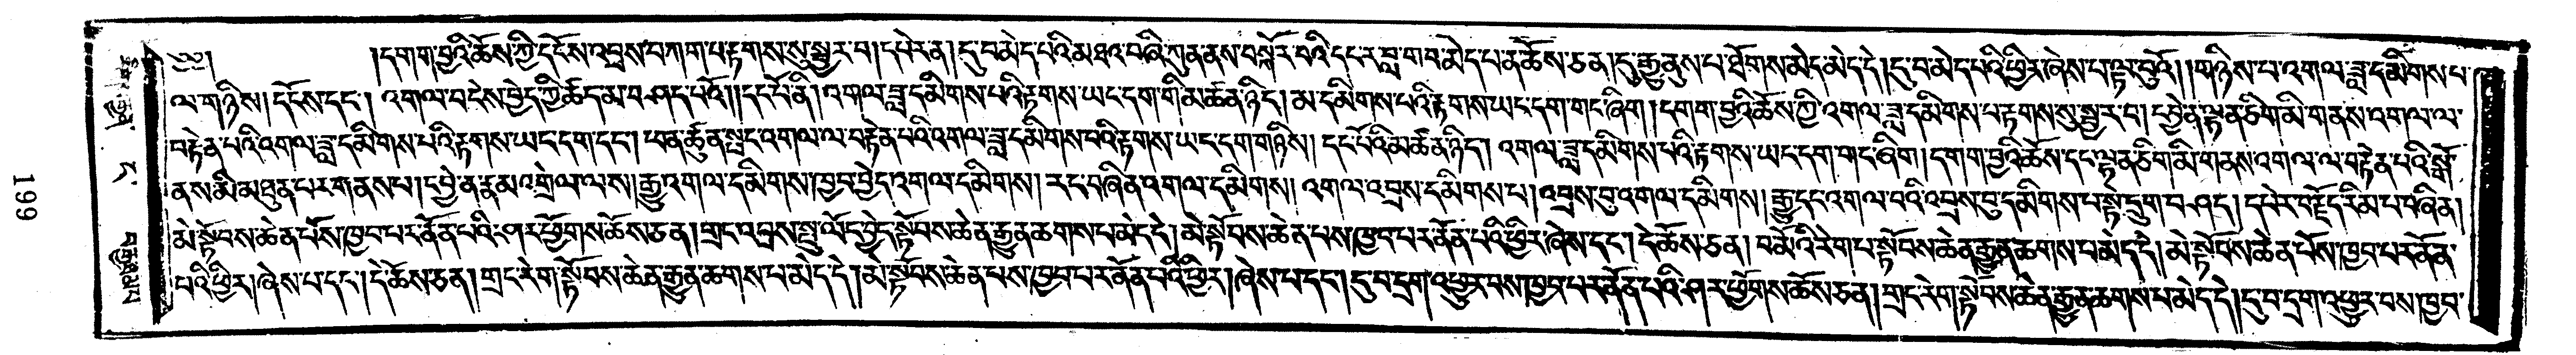༄༅། །དགག་བྱའི་ཆོས་ཀྱི་དངོས་འབྲས་བཀག་པ་རྟགས་སུ་སྦྱར་བ། དཔེར་ན། དུ་བ་མེད་པའི་མཐའ་བཞི་ཀུན་ནས་བསྐོར་བའི་དང་ར་བླ་གབ་མེད་པ་ན་ཆོས་ཅན། དུ་རྒྱུ་ནུས་པ་ཐོགས་མེད་མེད་དེ། དུ་བ་མེད་པའི་ཕྱིར་ཞེས་བ་ལྟ་བུའོ། །གཉིས་པ་འགལ་ཟླ་དམིགས་པ་
ལ་གཉིས། དངོས་དང་། འགལ་བ་ངེས་བྱེད་ཀྱི་ཚད་མ་བཤད་པའོ། །དང་པོ་ནི། འགལ་ཟླ་དམིགས་པའི་རྟགས་ཡང་དག་གི་མཚན་ཉིད། མ་དམིགས་པའི་རྟགས་ཡང་དག་གང་ཞིག །དགག་བྱའི་ཆོས་ཀྱི་འགལ་ཟླ་དམིགས་པ་རྟགས་སུ་སྦྱར་བ། དབྱེ་ན་ལྷན་ཅིག་མི་གནས་འགལ་ལ་
བརྟེན་པའི་འགལ་ཟླ་དམིགས་པའི་རྟགས་ཡང་དག་དང་། ཕན་ཚུན་སྤང་འགལ་ལ་བརྟེན་པའི་འགལ་ཟླ་དམིགས་པའི་རྟགས་ཡང་དག་གཉིས། དང་པོའི་མཚན་ཉིད། འགལ་ཟླ་དམིགས་པའི་རྟགས་ཡང་དག་གང་ཞིག །དགག་བྱའི་ཆོས་དང་ལྷན་ཅིག་མི་གནས་འགལ་ལ་བརྟེན་པའི་སྒོ་
ནས་མི་མཐུན་པར་གནས་པ། དབྱེ་ན་རྣམ་འགྲེལ་ལས། རྒྱུ་འགལ་དམིགས་ཁྱབ་བྱེད་འགལ་དམིགས། རང་བཞིན་འགལ་དམིགས། འགལ་འབྲས་དམིགས་པ། འབྲས་བུ་འགལ་དམིགས། རྒྱུ་དང་འགལ་བའི་འབྲས་བུ་དམིགས་པ་སྟེ་དྲུག་བཤད། དཔེར་བརྗོད་རིམ་པ་བཞིན།
མེ་སྟོབས་ཆེན་པས་ཁྱབ་པར་ནོན་པའི་ཤར་ཕྱོགས་ཆོས་ཅན། གྲང་འབྲས་སྤུ་ལོང་བྱེད་སྟོབས་ཆེན་རྒྱུན་ཆགས་པ་མེད་དེ། མེ་སྟོབས་ཆེན་པས་ཁྱབ་པར་ནོན་པའི་ཕྱིར་ཞེས་དང་། དེ་ཆོས་ཅན། བ་མོའི་རེག་པ་སྟོབས་ཆེན་རྒྱུན་ཆགས་པ་མེད་དེ། མེ་སྟོབས་ཆེན་པས་ཁྱབ་པར་ནོན་
པའི་ཕྱིར། ཞེས་པ་དང་། དེ་ཆོས་ཅན། གྲང་རེག་སྟོབས་ཆེན་རྒྱུན་ཆགས་པ་མེད་དེ། མེ་སྟོབས་ཆེན་པས་ཁྱབ་པར་ནོན་པའི་ཕྱིར། ཞེས་པ་དང་། དུ་བ་དྲག་འཕྱུར་བས་ཁྱབ་པར་ནོན་པའི་ཤར་ཕྱོགས་ཆོས་ཅན། གྲང་རེག་སྟོབས་ཆེན་རྒྱུན་ཆགས་པ་མེད་དེ། དུ་བ་དྲག་འཕྱུར་བས་ཁྱབ་